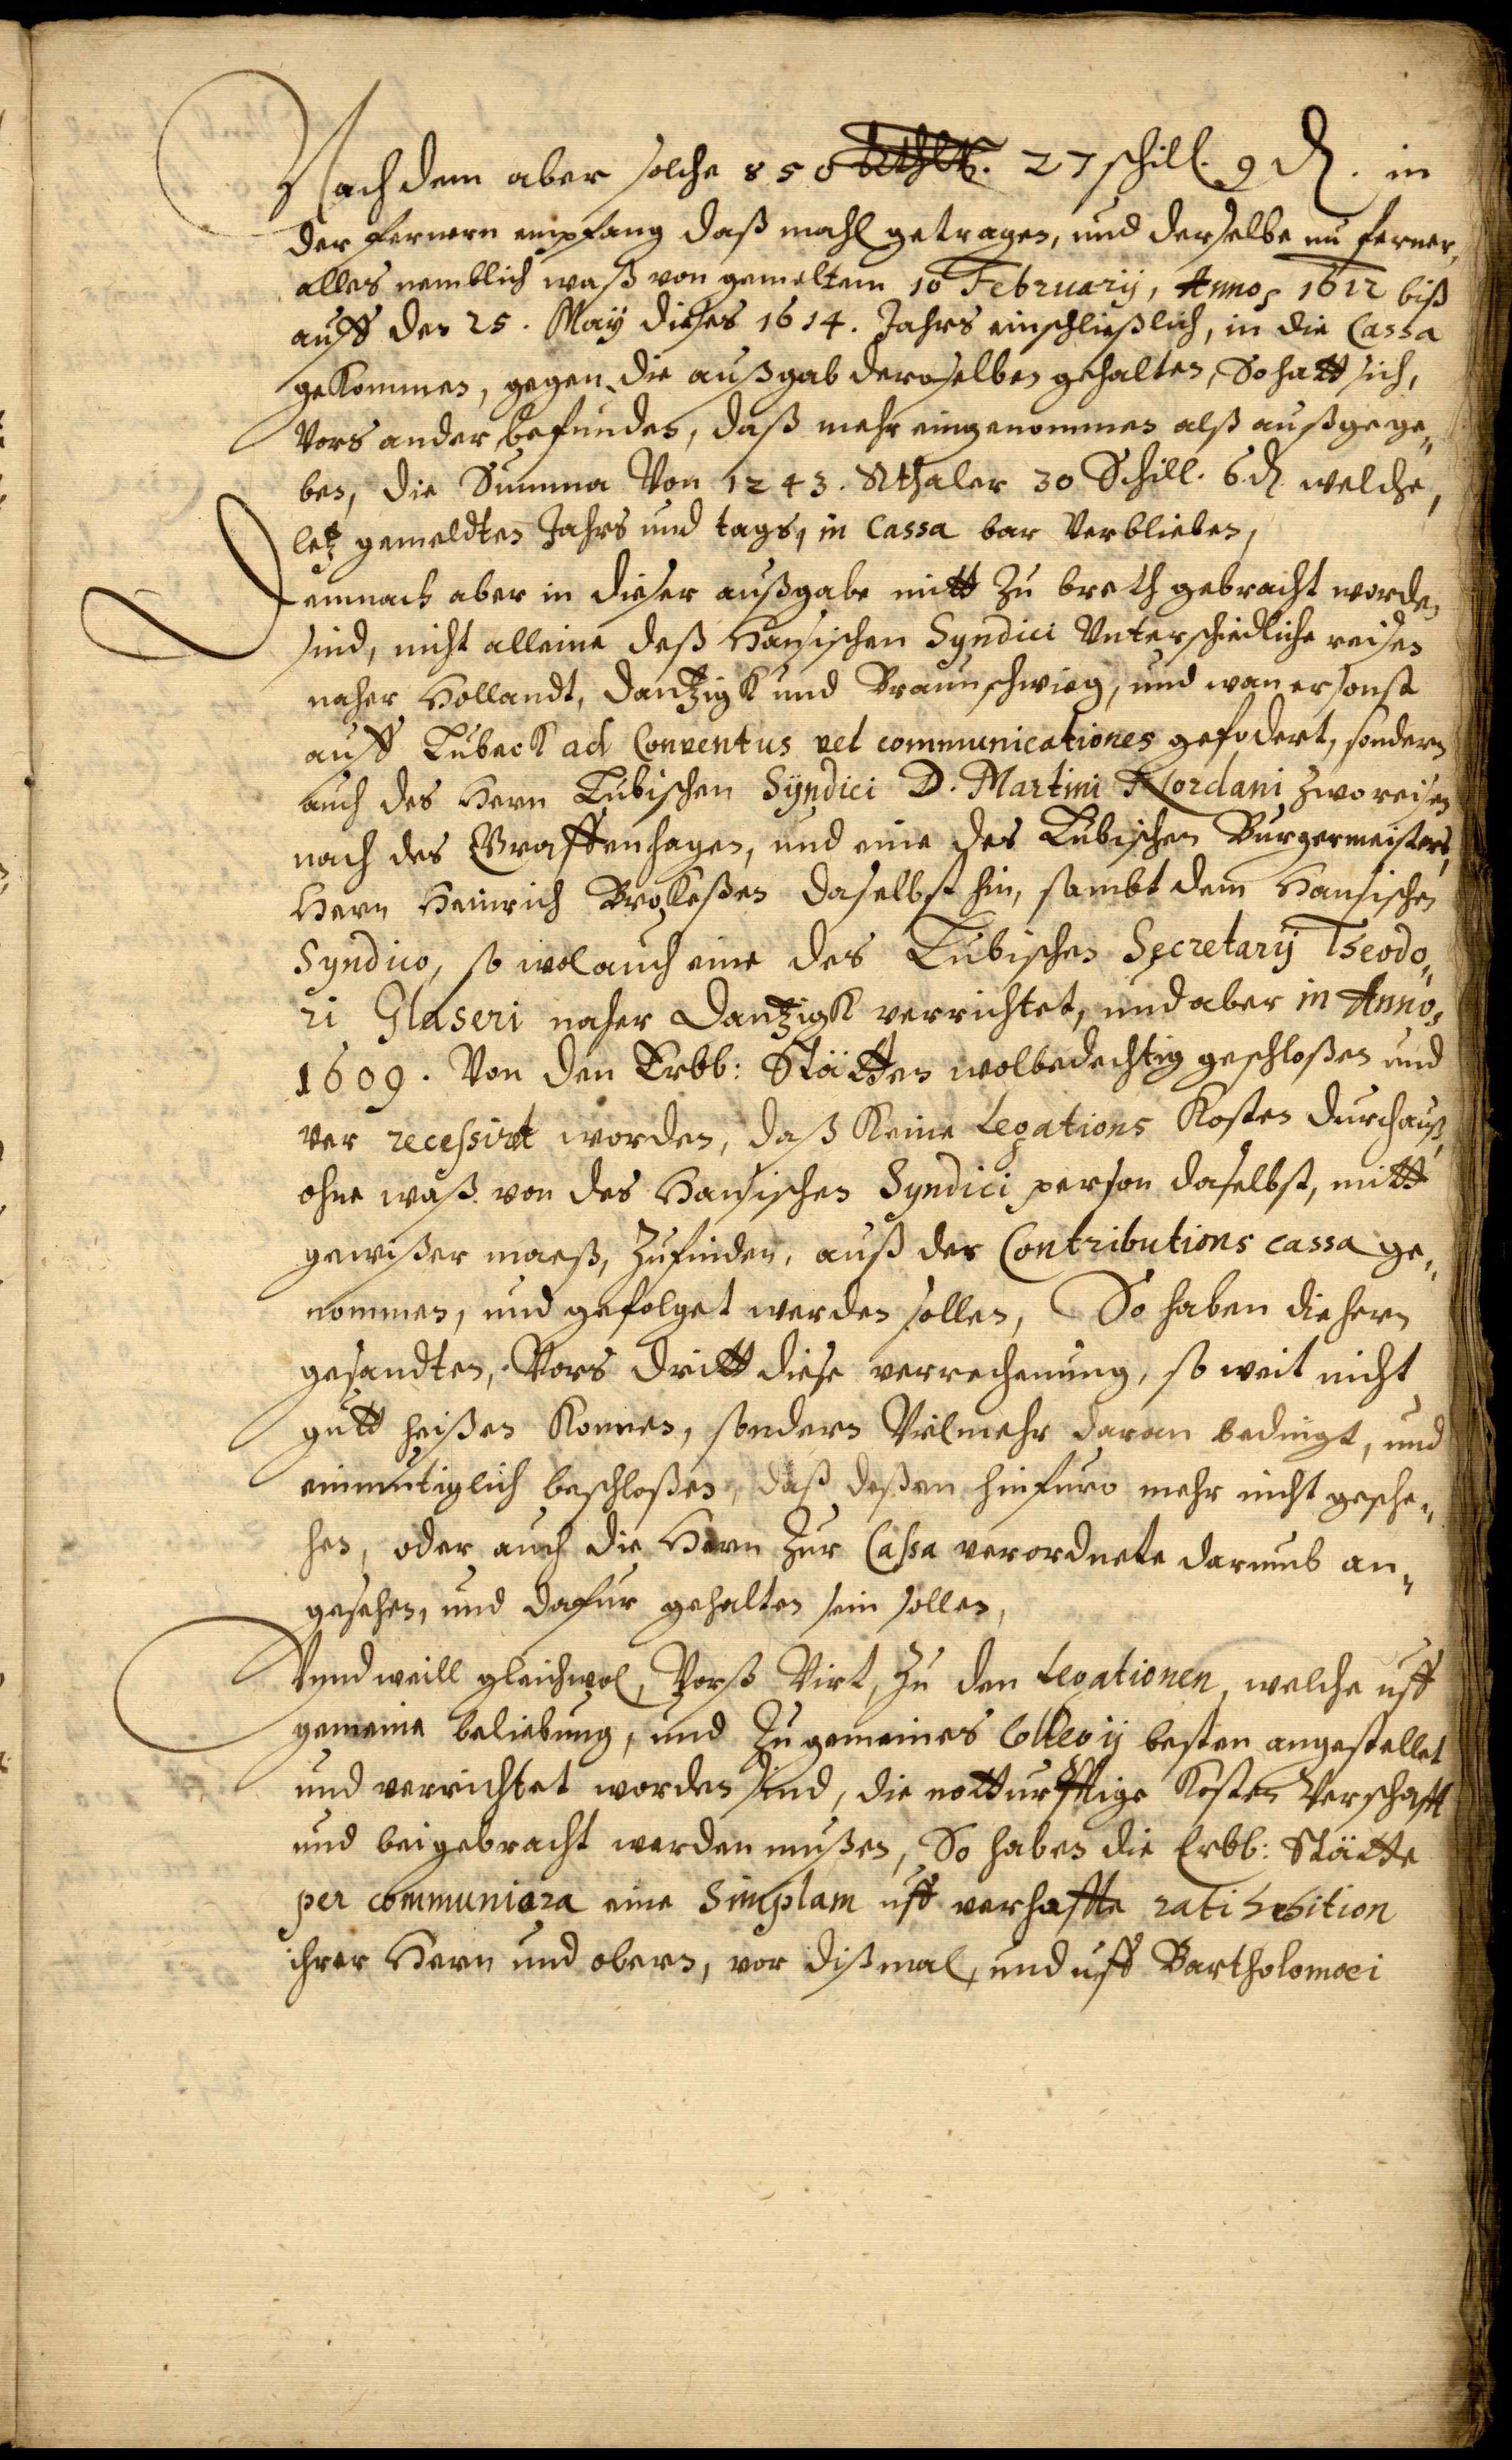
Nach dem aber solche 850 Rthlr. 27 schill. 9 den. in
der fernern empfang daß mahl getragen, und derselbe nu ferner,
alles nemblich waß von gemeltem 10 Februarij, Anno p 1612 biß
auff den 25. Maij dieses 1614. Jahrs einschließlich, in die Cassa
gekommen, gegen die außgab deroselben gehalten, So hatt sich,
Vors ander befunden, daß mehr eingenommen alß außgege¬
ben, die Summa Von 1243. Rthaler 30 Schill. 6. den welche,
letz gemeldten Jahrs und tags, in Cassa bar Verblieben,
Demnach aber in dieser außgabe mitt zu breth gebracht worden
sind, nicht alleine deß Hansischen Syndici Vnterschiedliche reisen
naher Hollandt, Dantzigk und Braunschwieg, vnd wan er sonst
auff Lubeck ad Conventus vel communicationes gefodert, sondern
auch des Hern Lubischen Sijndici D. Martini Nordani zwo reisen
nach des Graffenhagen, und eine des Lubischen Burgermeisters,
Hern Heinrich Brokeßen daselbst hin, sambt dem Hansischen
Syndico, so wol auch eine des Lubischen Secretarij Theodo¬
ri Glaseri naher Dantzigk verrichtet, und aber in Anno p
1609. Von den Erbb: Stätten wolbedechtig geschloßen und
ver recessiret worden, daß keine Legations Kosten durchauß,
ohne waß von des Hansischen Syndici person daselbst, mitt
gewißer maeß, zufinden, auß der Contributions cassa ge¬
nommen, und gefolget werden sollen, So haben die hern
gesandten, Vors dritt diese verrechenung, so weit nicht
gutt heißen konnen, sondern Vielmehr daran bedingt, und
einmutiglich beschloßen, daß deßen hinfuro mehr nicht gesche¬
hen, oder auch die Hern zur Cassa verordnete darumb an¬
gesehen, vnd dafur gehalten sein sollen,
Vnnd weill gleichwol, Vorß Virt, zu den Legationen, welche uff
gemeine beliebung, und zu gemeines Collegij besten angestellet
vnd verrichtet worden sind, die notturfftige kosten Verschafft
vnd beigebracht werden mußen, So haben die Erbb: Stätte
per communiara eine Simplam uff verhaffte ratihibition
ihrer Hern und obern, vor dißmal, und uff Bartholomaei
